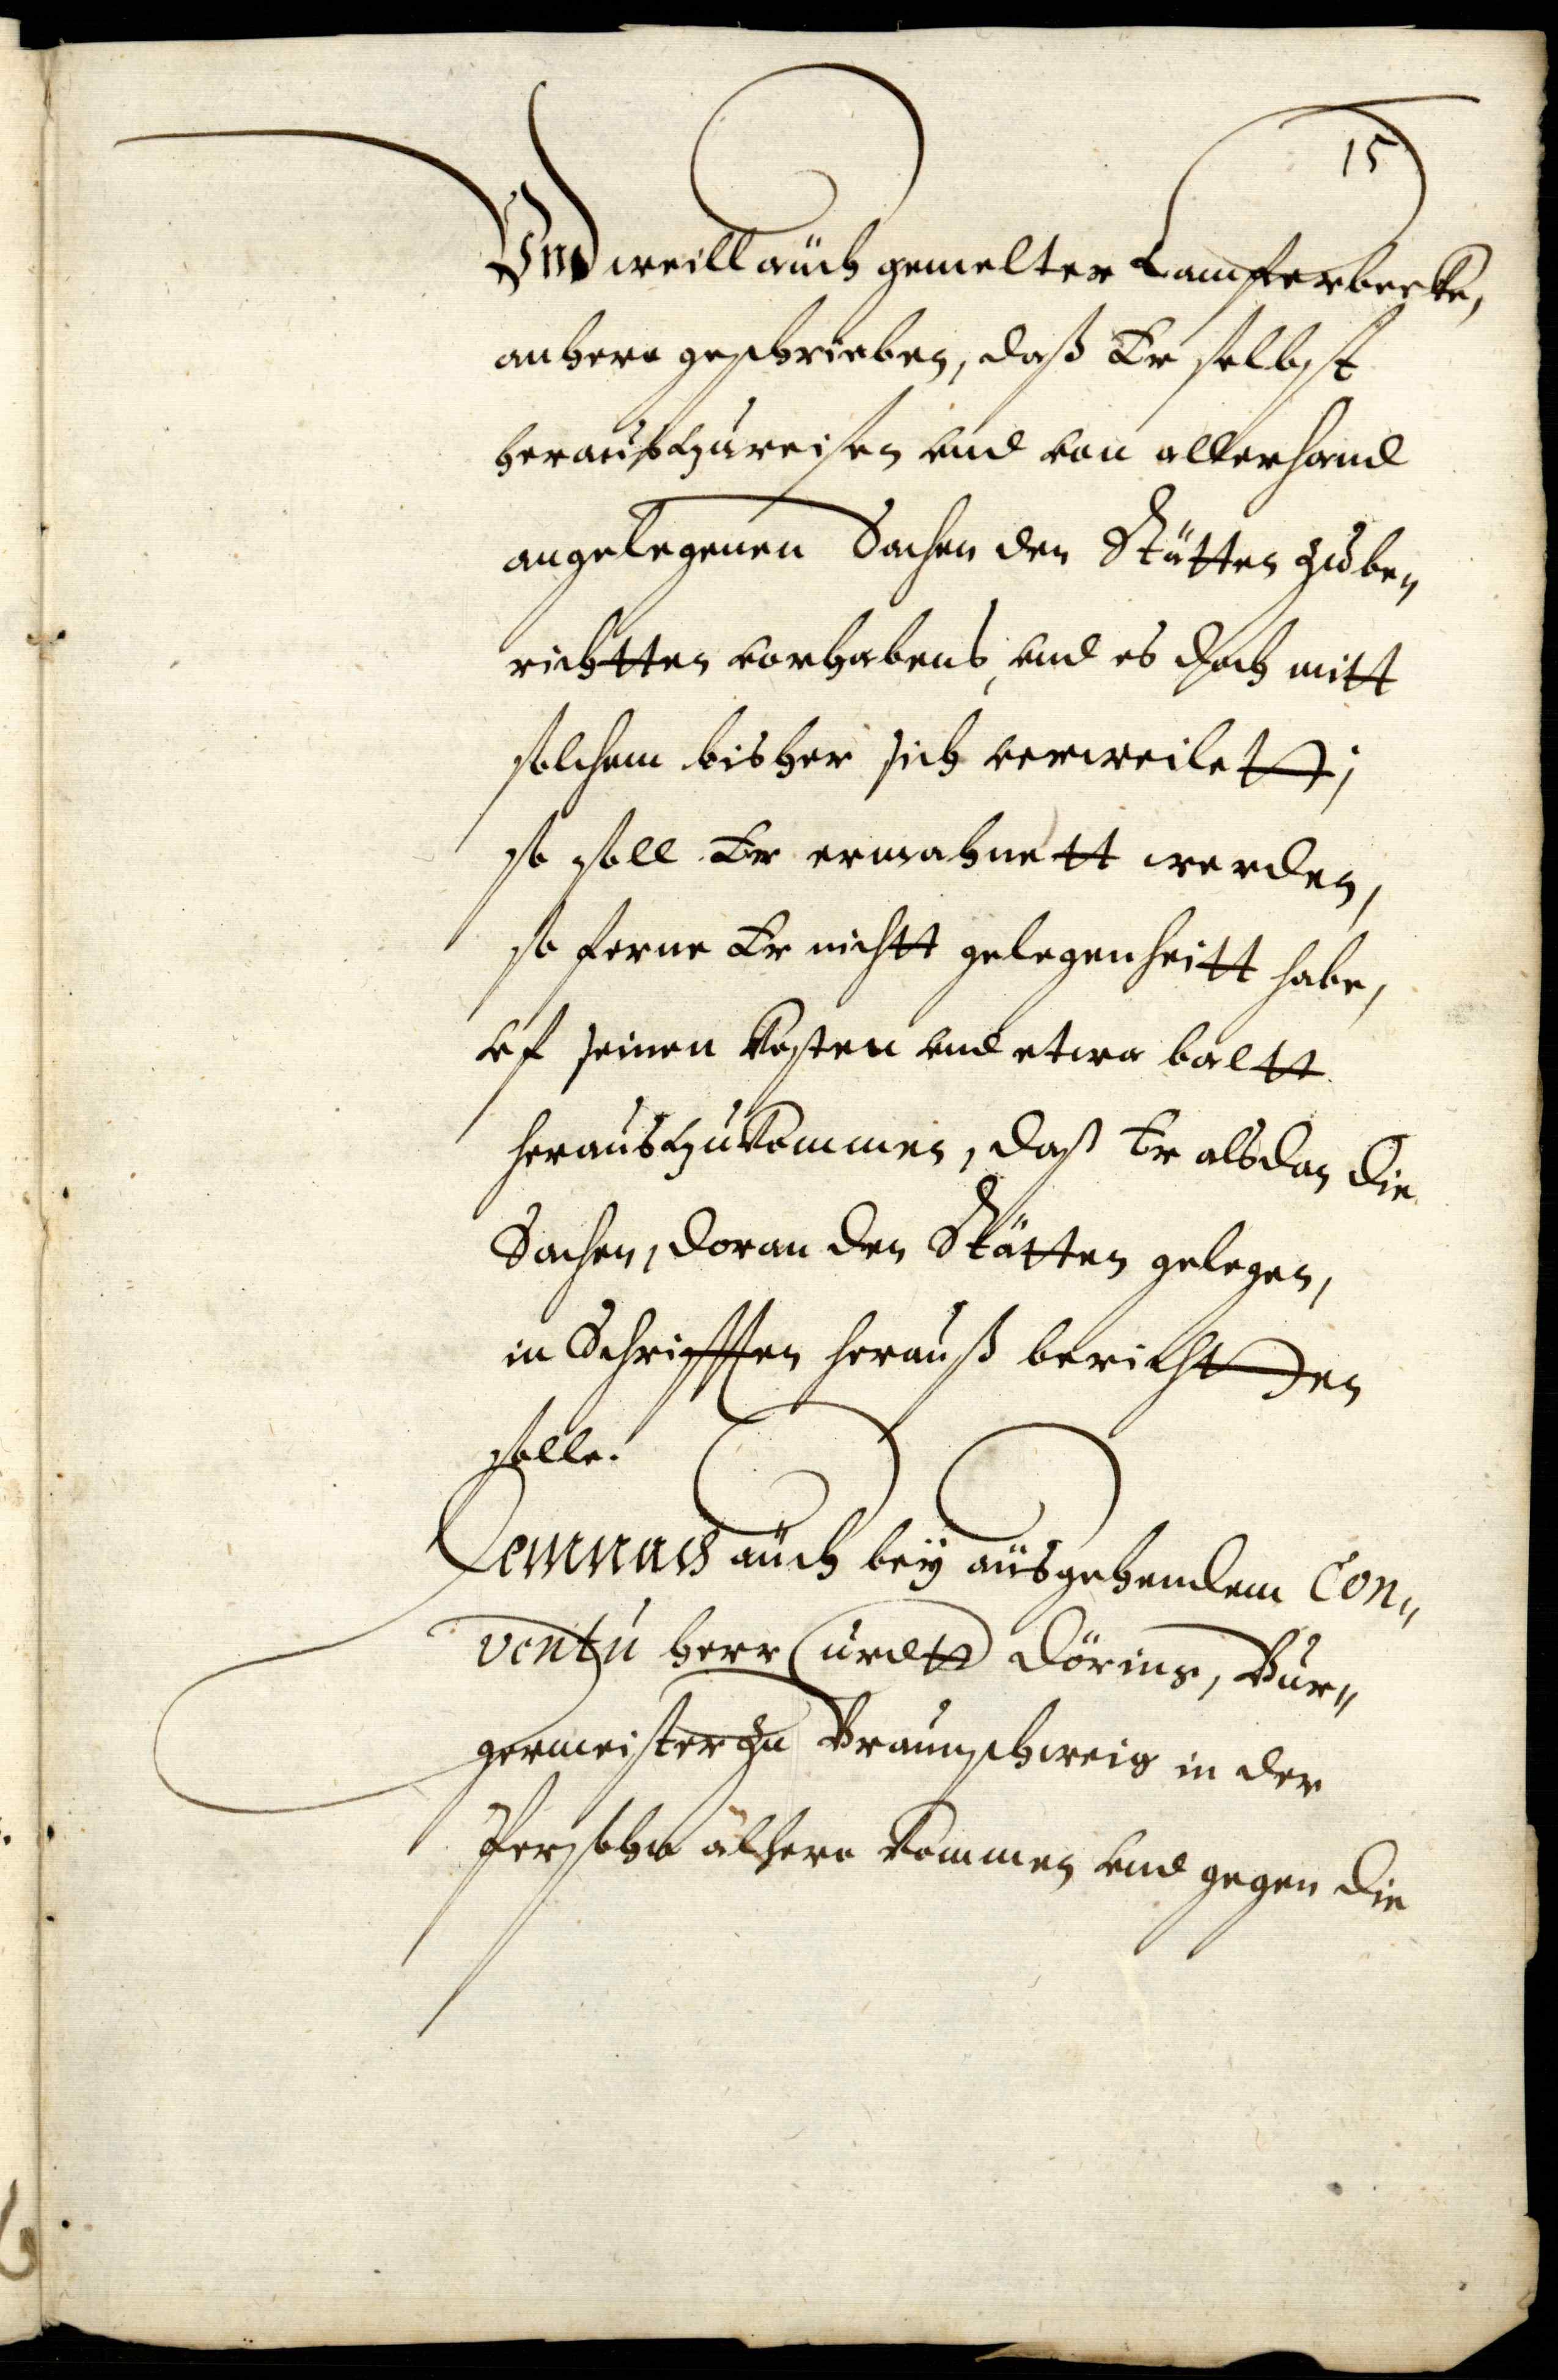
15
Vnd weill aüch gemelter Camferbecke,
anhero geschrieben, daß Er selbst
heraustzureisen vnd von allerhand
angelegenen Sachen den Stätten zu be¬
richtten vorhabens, vnd es doch mitt
solchem bisher sich verweilett;
so soll Er ermahnett werden,
so ferne Er nichtt gelegenheitt habe,
vf seinen Kosten vnd etwa baltt
heraustzukommen, daß Er alsdan die
Sachen, doran den Stätten gelegen,
in Schrifften herauß berichtten
solle.
Demnach aüch beij aüsgehendem Con¬
ventu herr Curdtt Döring, Bur¬
germeister zu Braunschweig in der
Persohn alhero kommen vnd gegen die
